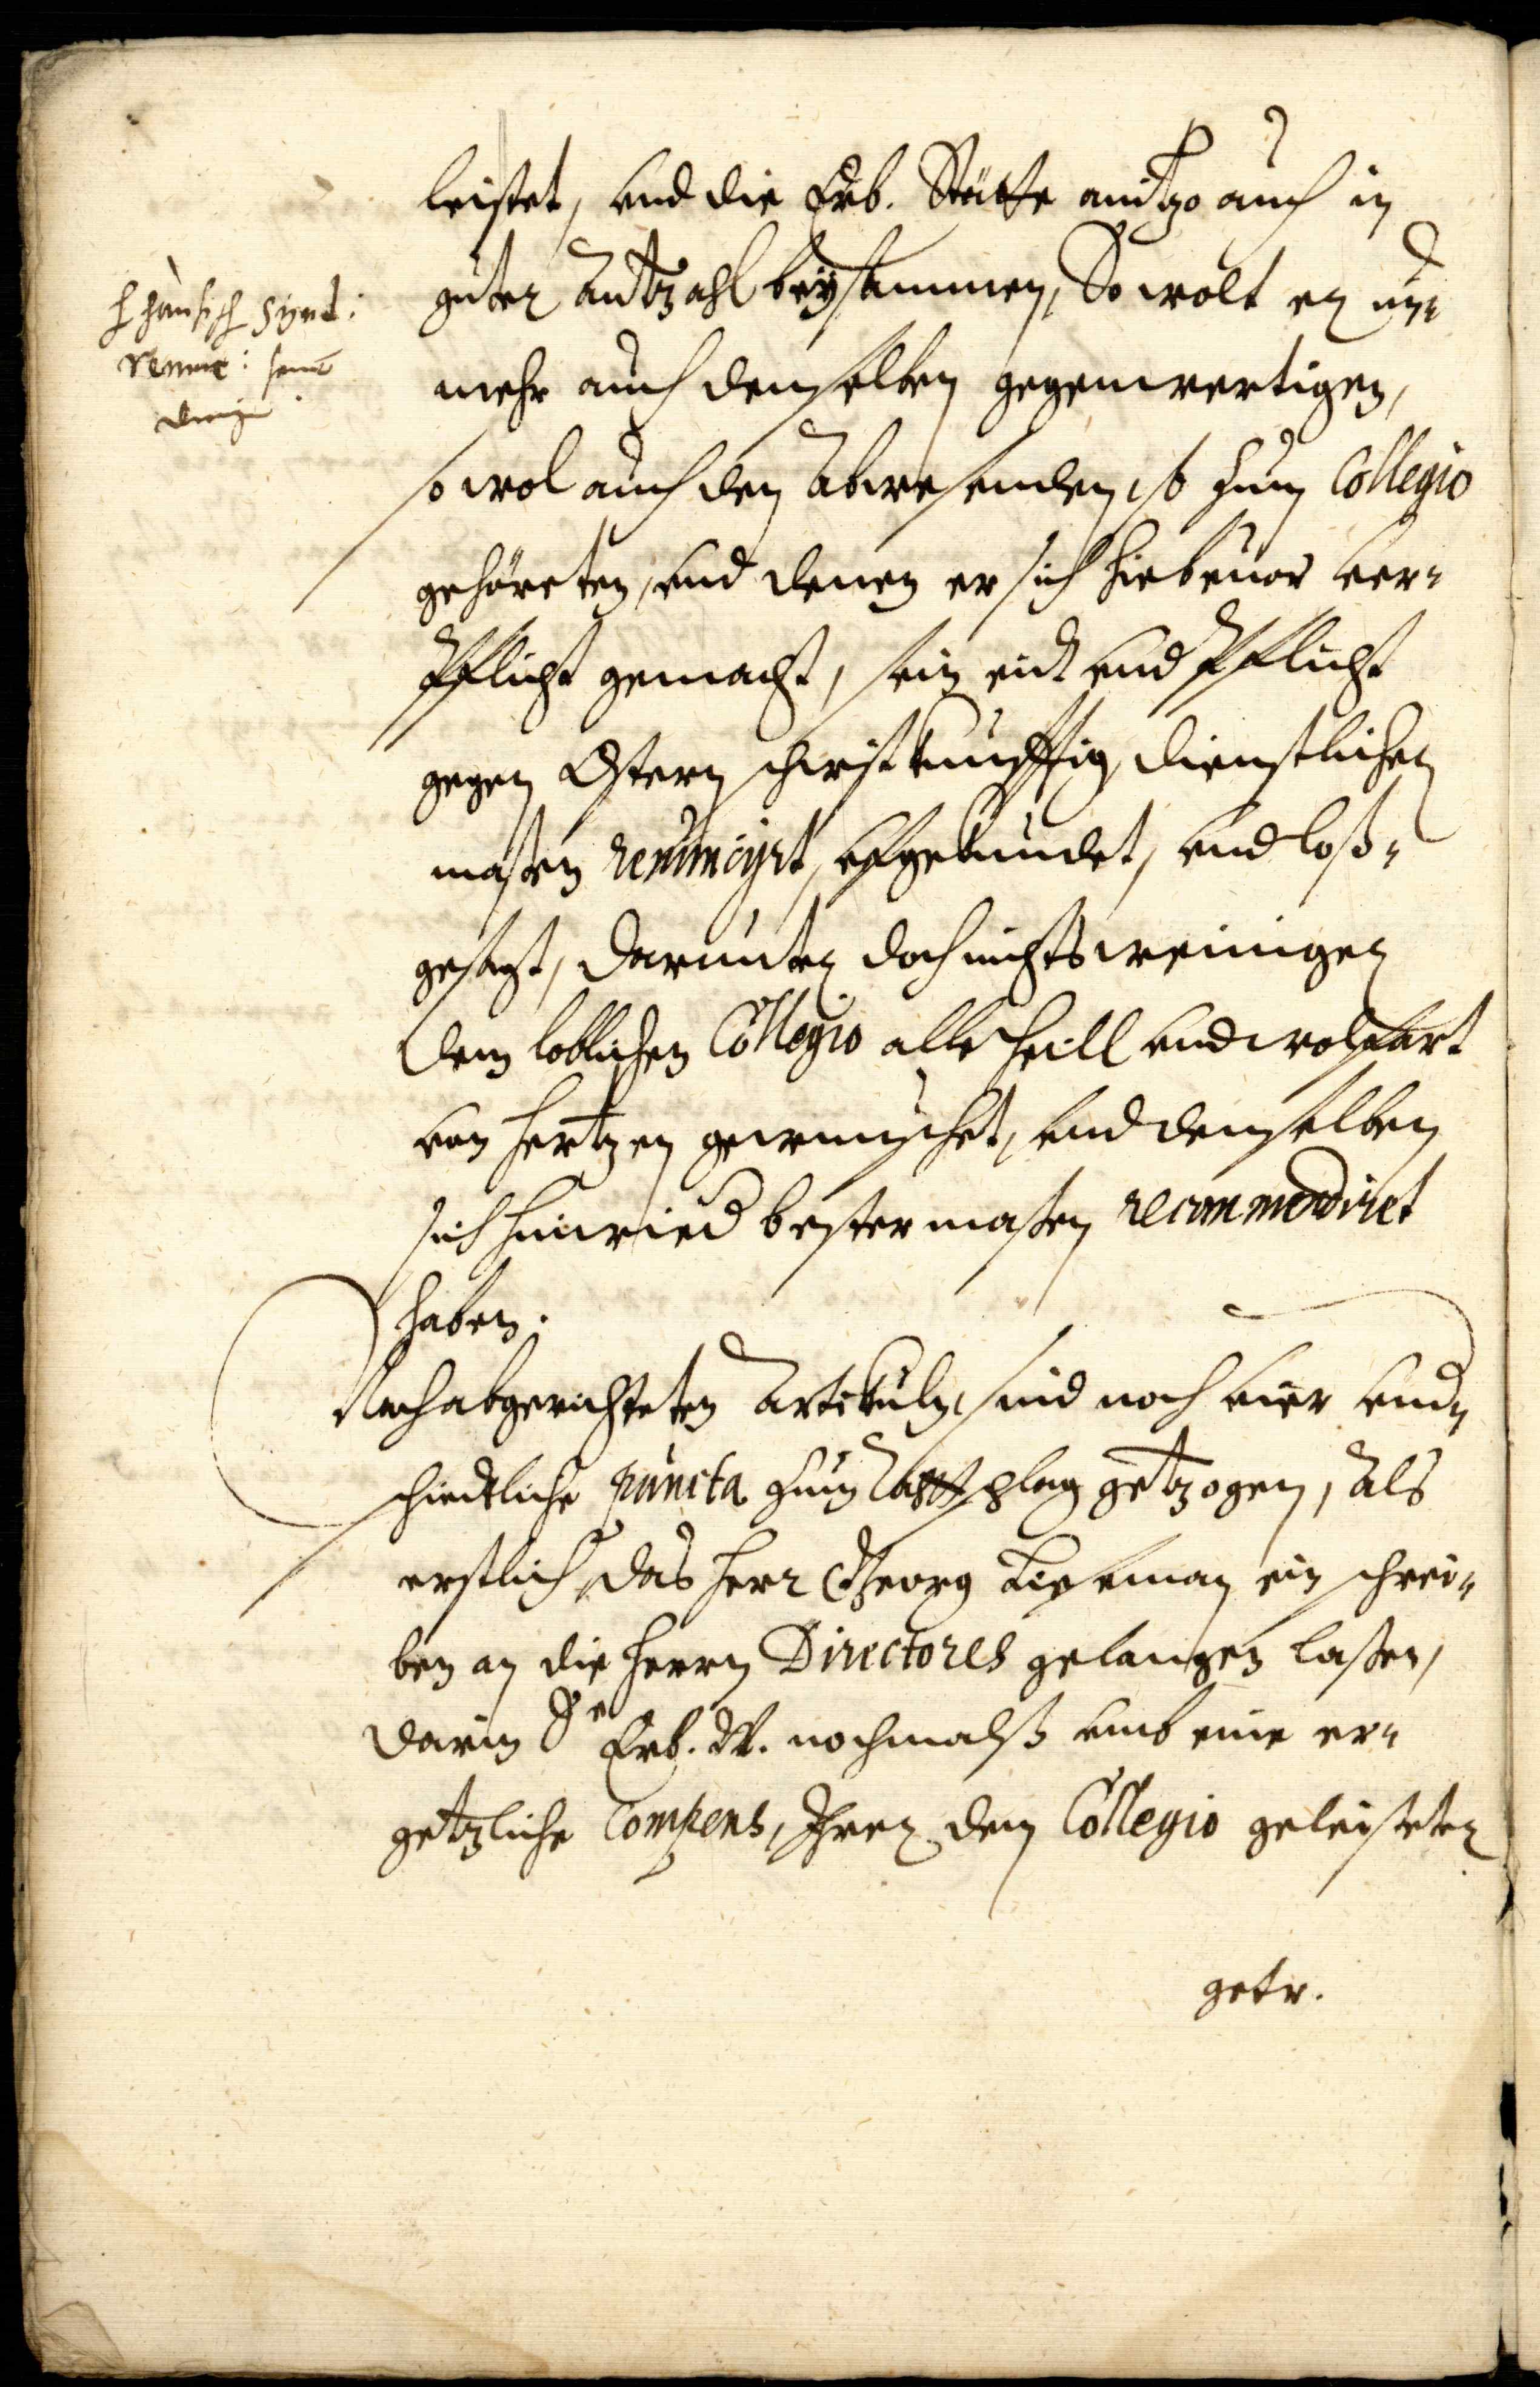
h hansich Synd:
remint: samt
dingen
leistet, vnd die Erb. Stätte anitzo auch in
guter Antzahl beijsammen, So wolt er nu¬
mehr auch denselben gegenwertigen,
so wol auch den Abwesenden, so zum Collegio
gehöreten, vnd denen er sich hiebeuor ver¬
Pflicht gemacht, sein eidt vnd Pflicht
gegen Ostern schirstkunfftig, dienstlichen
maßen renuncijrt, vfgekundet, vnd loß¬
gesagt, darunter doch nichts weiniger
dem loblichen Collegio alle heill vnd wolfart
von hertzen gewunschet, vnd denselben
sich hinwieder bester maßen recommendiret
haben.
Nach abgerichteten Artikuln, sind noch vier vnder¬
schiedtliche puncta zum Rahttschlag getzogen, als
erstlich, das herr Georg Lieseman ein schrei¬
ben an die herrn Directores gelangen laßen,
darin Se Erb. M. nochmalß vmb eine er¬
getzliche Compens, Ihrer dem Collegio geleisteter
getr.
